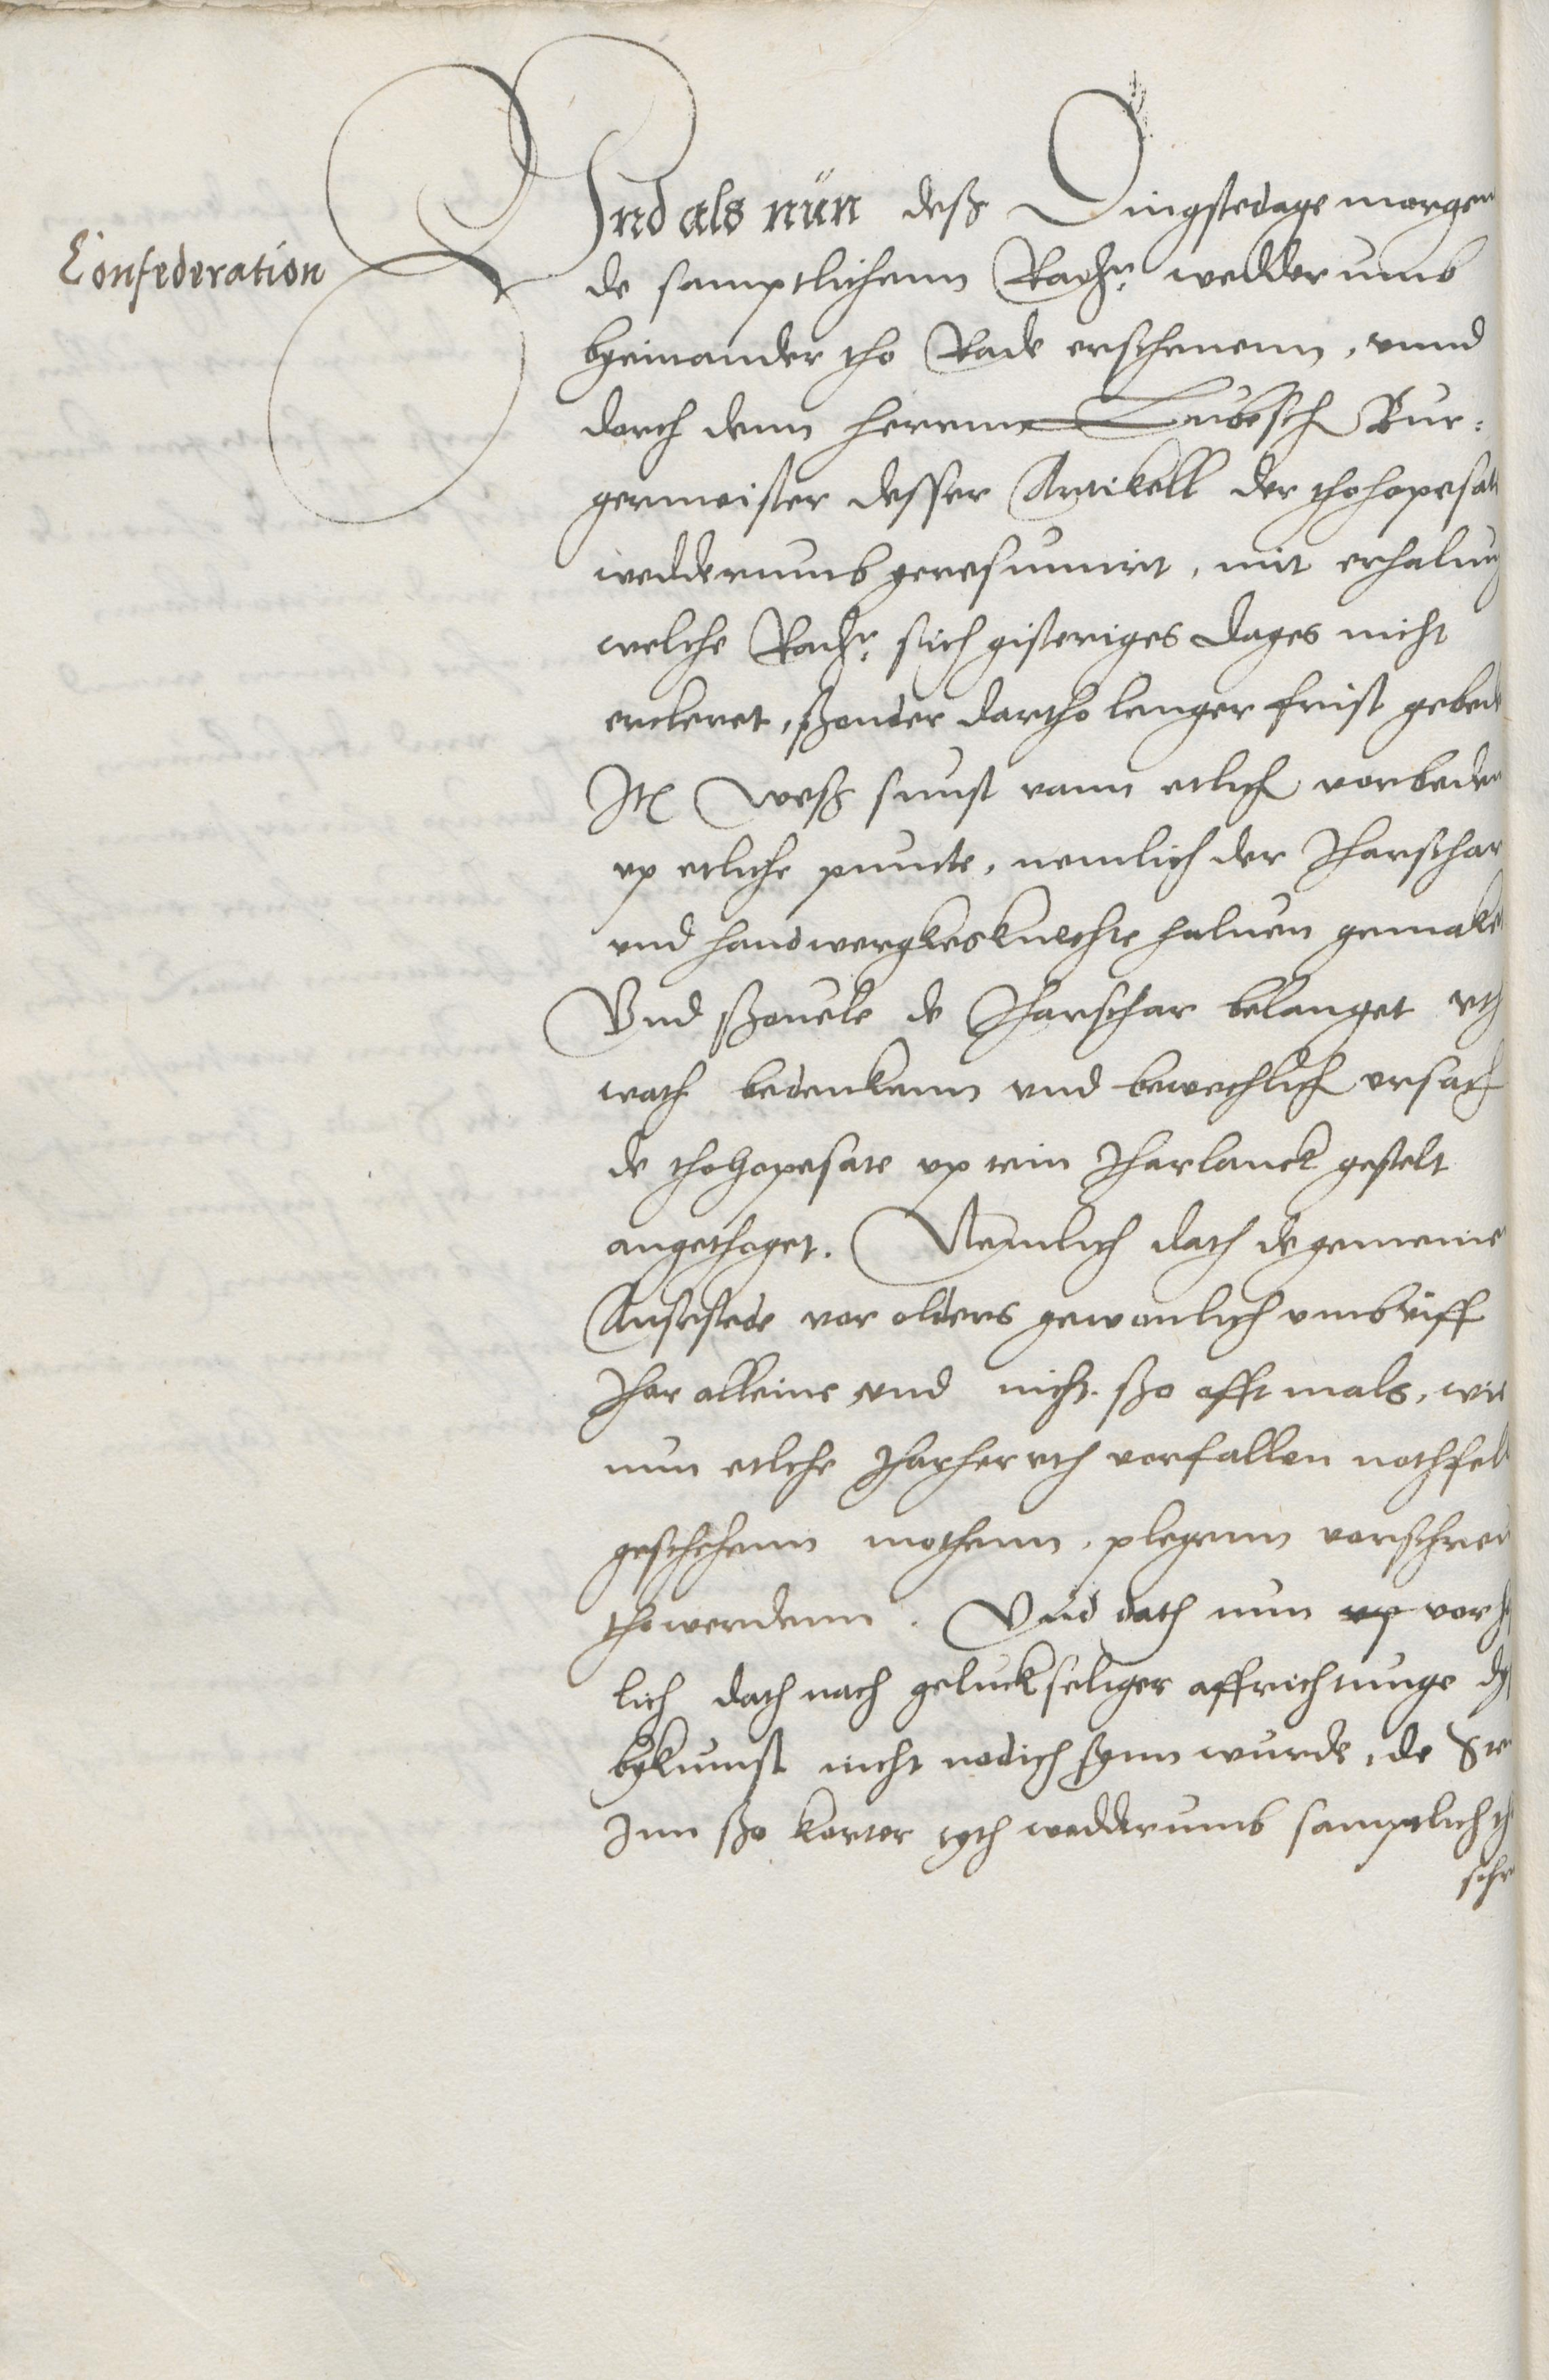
Vnd als nun deß Dingstedage morgen
de samptlichenn Radessendeboden wedderumb
byeinander tho Rade erschenenn, vnnd
dorch denn herrnn Lubeschen Bur¬
germeister desser Artikell der thohopesate
wedderumb geresumirt, mit erhalung
welche Radessendeboden sich gisteriges dages nicht
ercleret, ßonder dartho lenger frist gebede
Jt Weß sunst vann etlichen vorbeden
vp etliche puncte, nemlich der jharschar
vnd handwergkesknechte haluen gemaket
Vnd ßouele de jharschar belanget vth
wath bedenkenn vnd bewechlichen vrsachen
de thohopesate vp tein jharlanck gestelt
angethoget. Nemlich dath de gemeinen
Ansestede vor olders gewonlich vmb viff
jhar alleine vnd nicht ßo afftmals, wie
nun etliche jhar her vth vorfallen nothfell
geschehenn mothenn, plegenn vorschreu
tho werdenn. Vnd dath nun vp vor h
lich dath nach geluckseliger affrichtunge dy
bykumst nicht nodich synn wurde, de Stede
jnn ßo korter tyth wedderub samptlich tho
sche
Confederation
